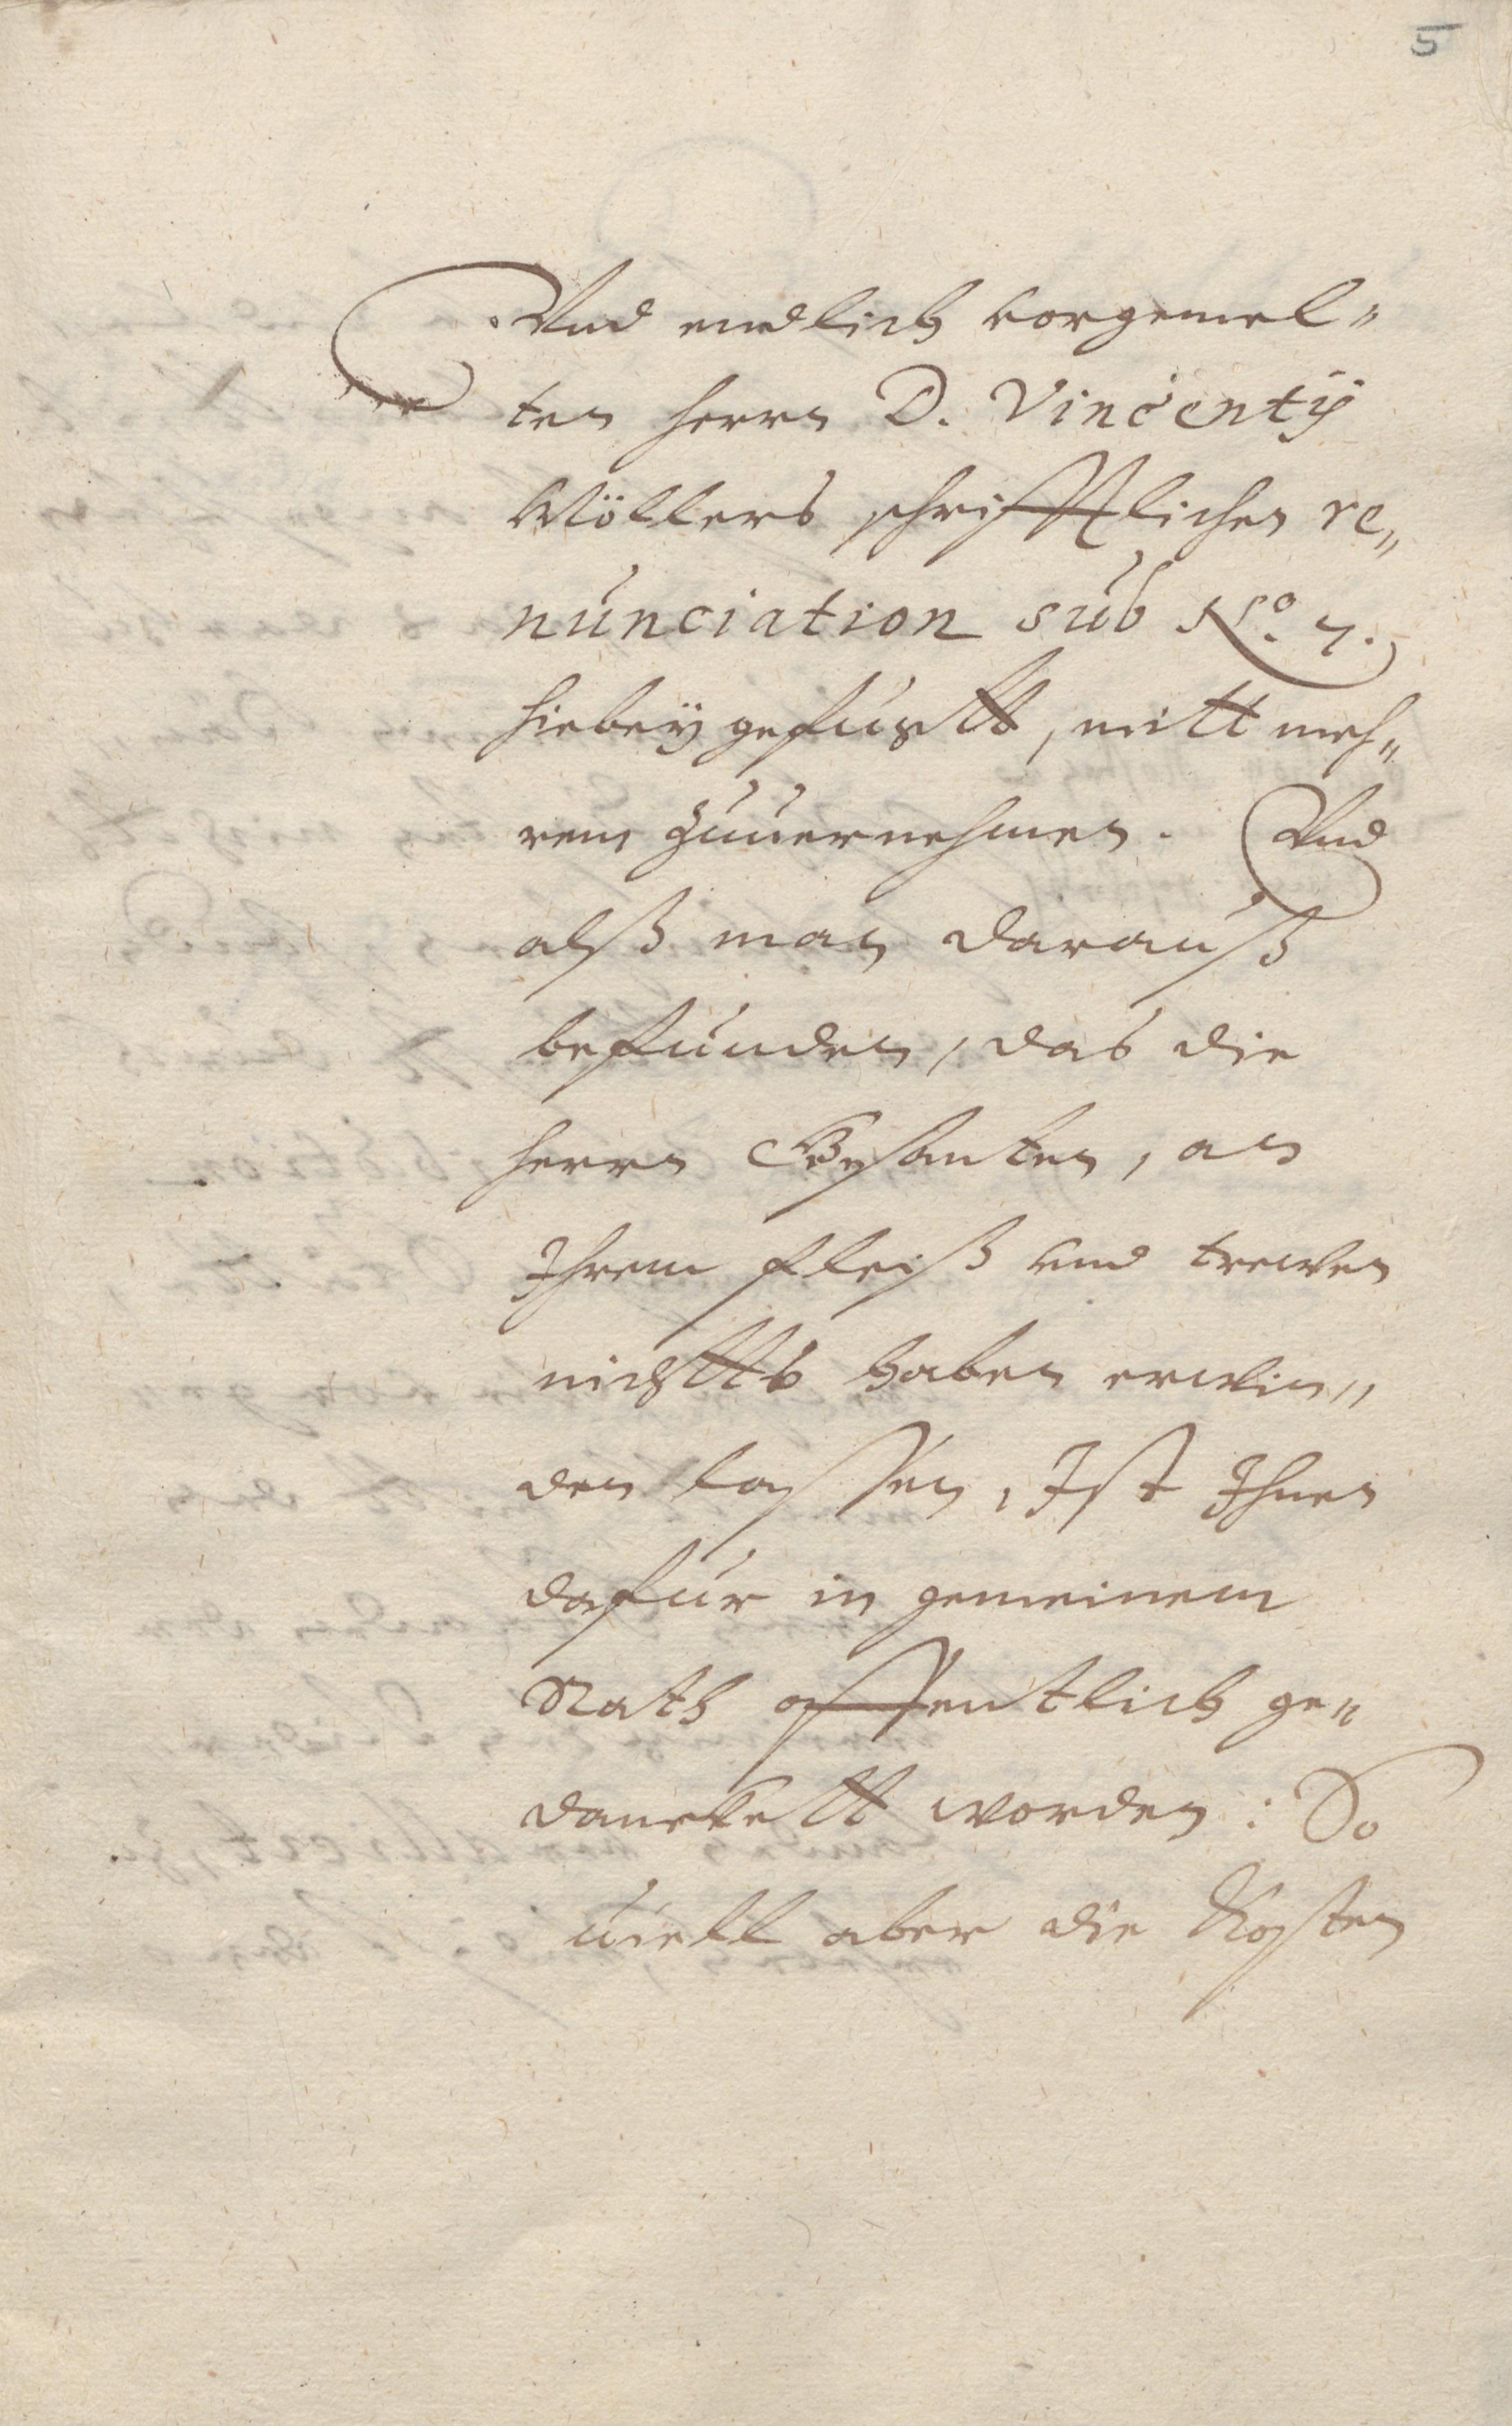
Vnd endlich vorgemel¬
ten herrn D. Vincentij
Möllers schrifftlichen re¬
nunciation sub No. 7.
hiebeij gefugtt, mitt meh¬
ren zuuernehmen. Vnd
alß man darauß
befunden, das die
herrn Gesanten, an
Ihrem fleiß vnd trewen
nichtts haben erwin¬
den lassen, Ist Ihnen
dafur in gemeinem
Rath offentlich ge¬
danckett worden: So
uiell aber die Kosten
